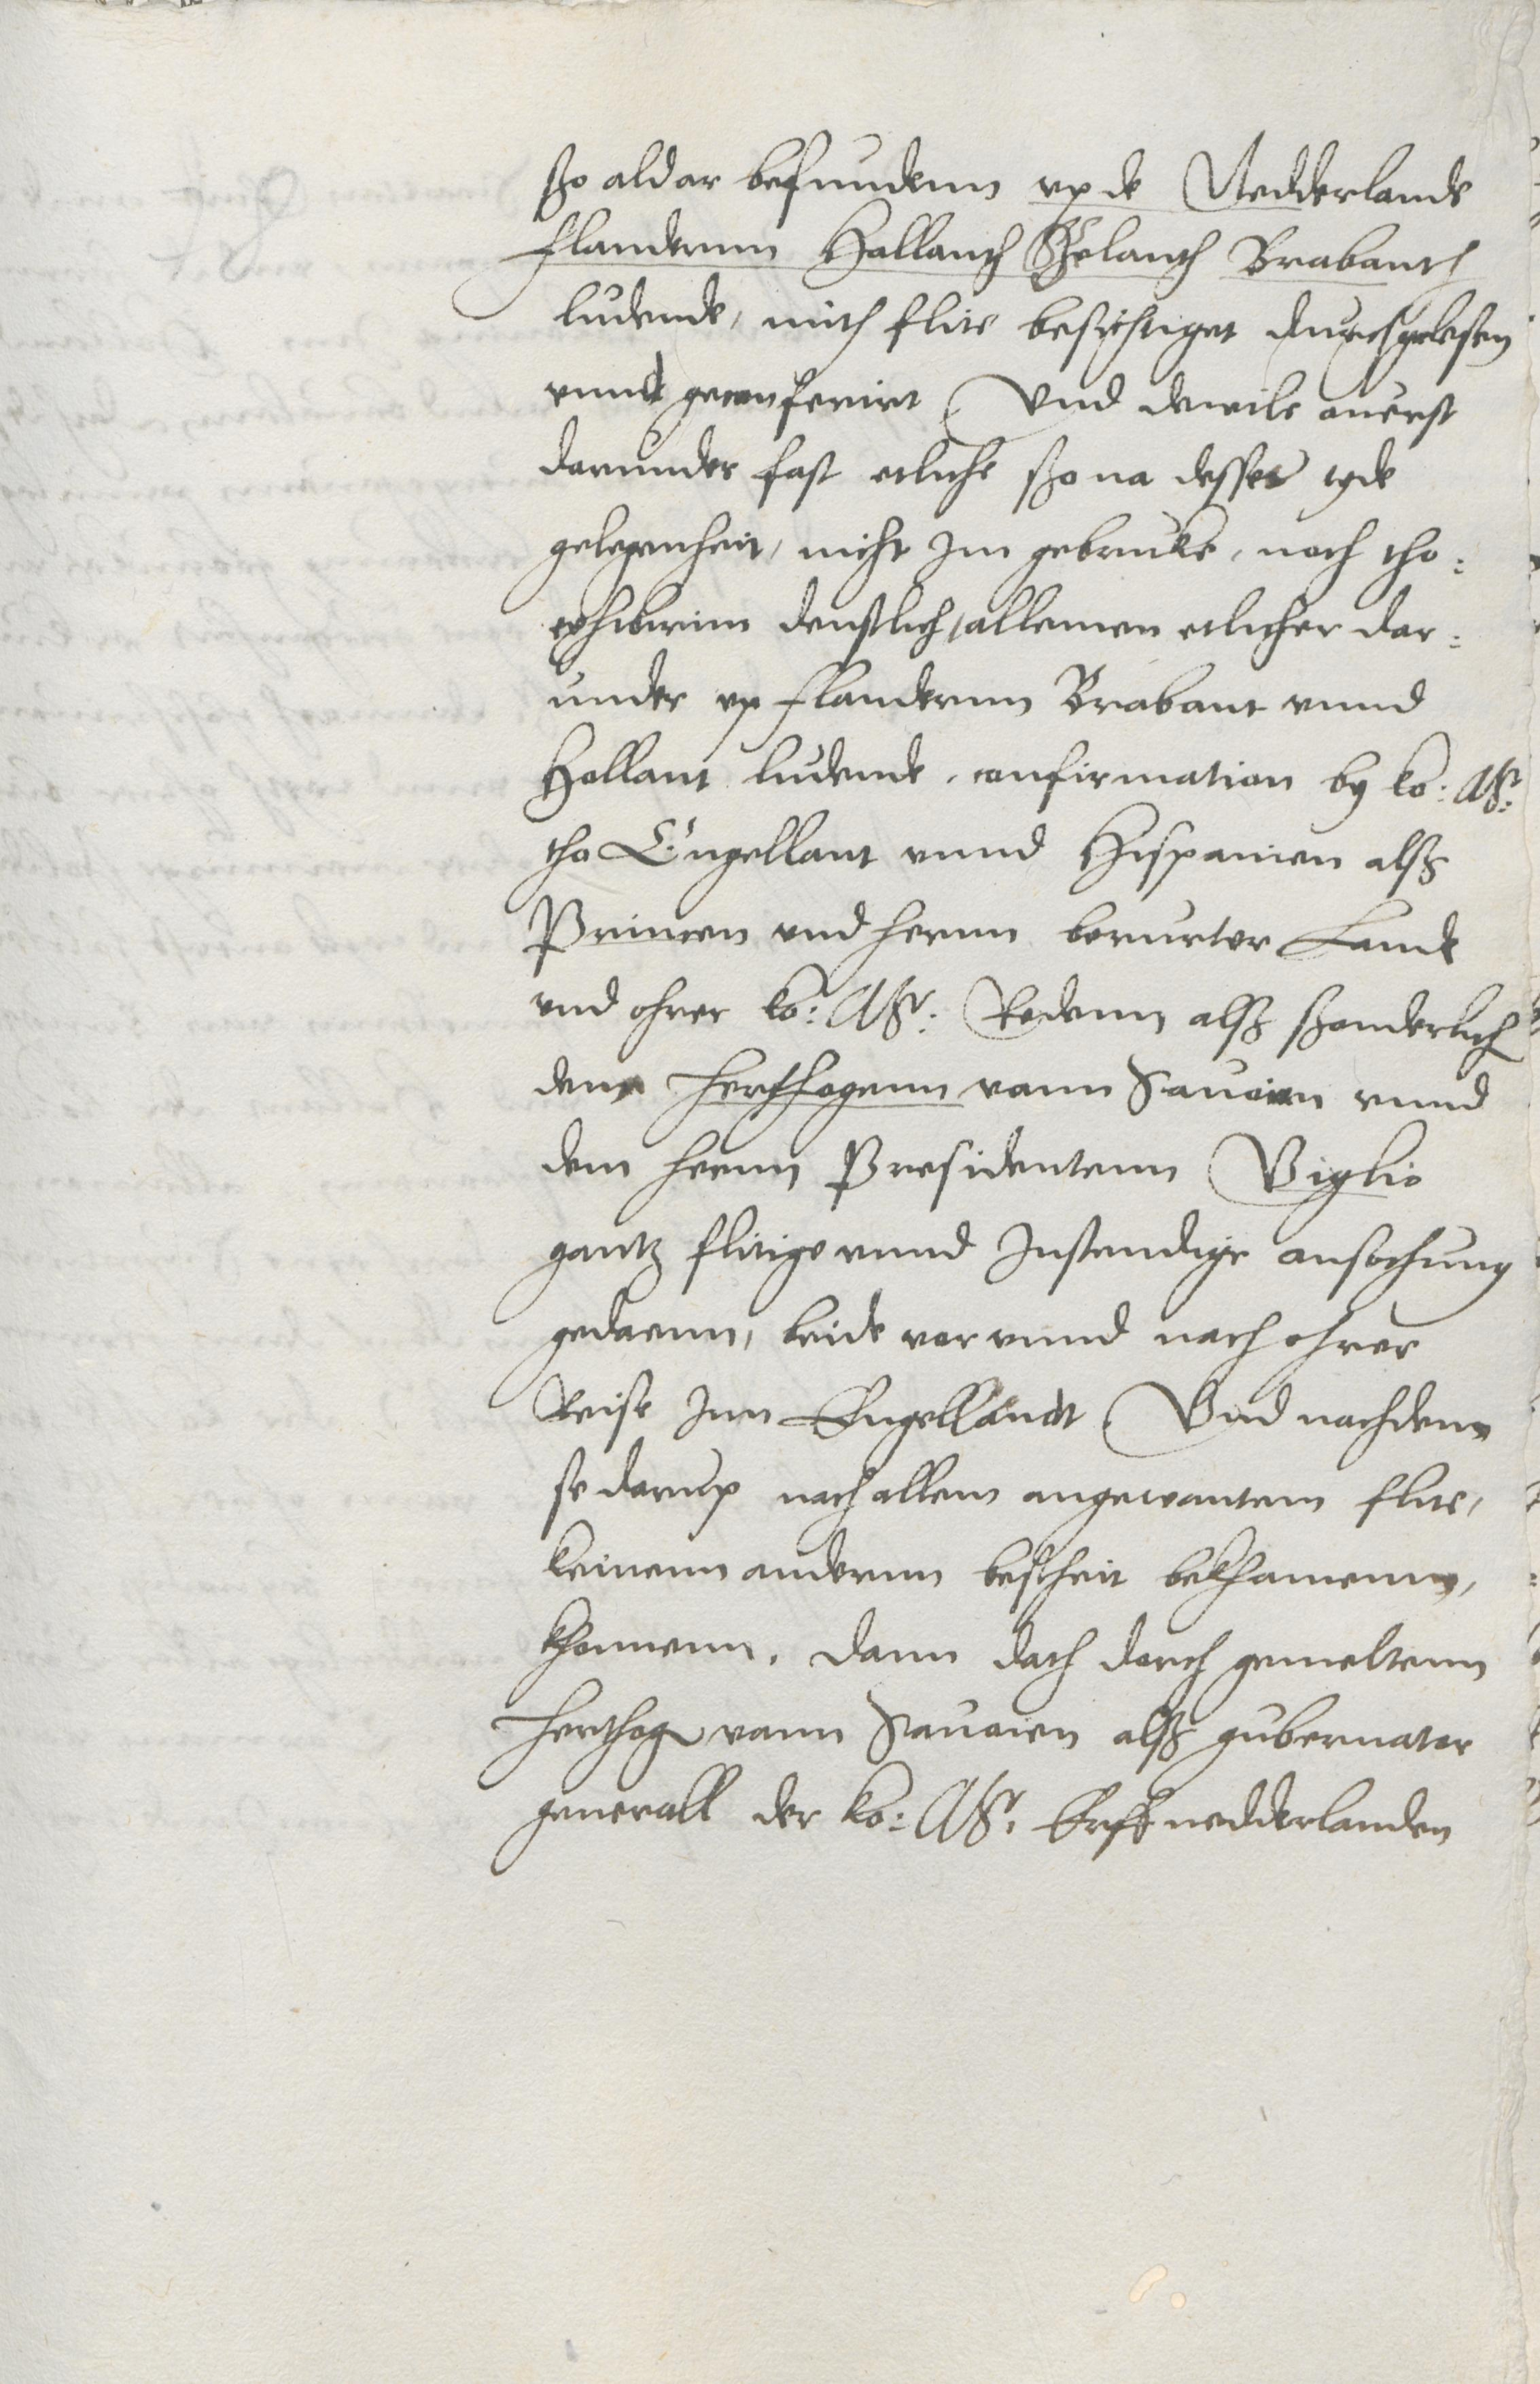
ßo aldar befundenn vp de Nedderlande
Flandernn Hollanth ßelanth Brabanth
ludende, mith flite besichtiget durchgelesen
vnnd geconferirt Vnd dewile ouerst
darunder fast etliche ßo na desser tyde
gelegenheit, nicht jm gebruke, noch tho¬
exhibirnn denstlich, allemen etlicher dar¬
under vp Flandernn Brabant vnnd
Hollant ludende, confirmation by Ko: Mt:
tho Engellant vnnd Hispanien alß
Princen vnd hernn berurter Lande
vnd ohrer Ko: M: Redenn alß ßonderlichen
dem Herthogenn vann Sauoien vnnd
dem hernn Presidentenn Viglio
gantz flitige vnnd jnstendige ansuchung
gedaenn, beide vor vnnd nach ohrer
Reise jnn Engellandt Vnd nachdem
se darup nach allem angewantem flite,
keinenn andernn bescheit bekhamenn,
khonnenn, dann dath dorch gemeltenn
Herthogen vann Sauoien alß gubernator
generall der Ko: M: Erffnedderlanden
